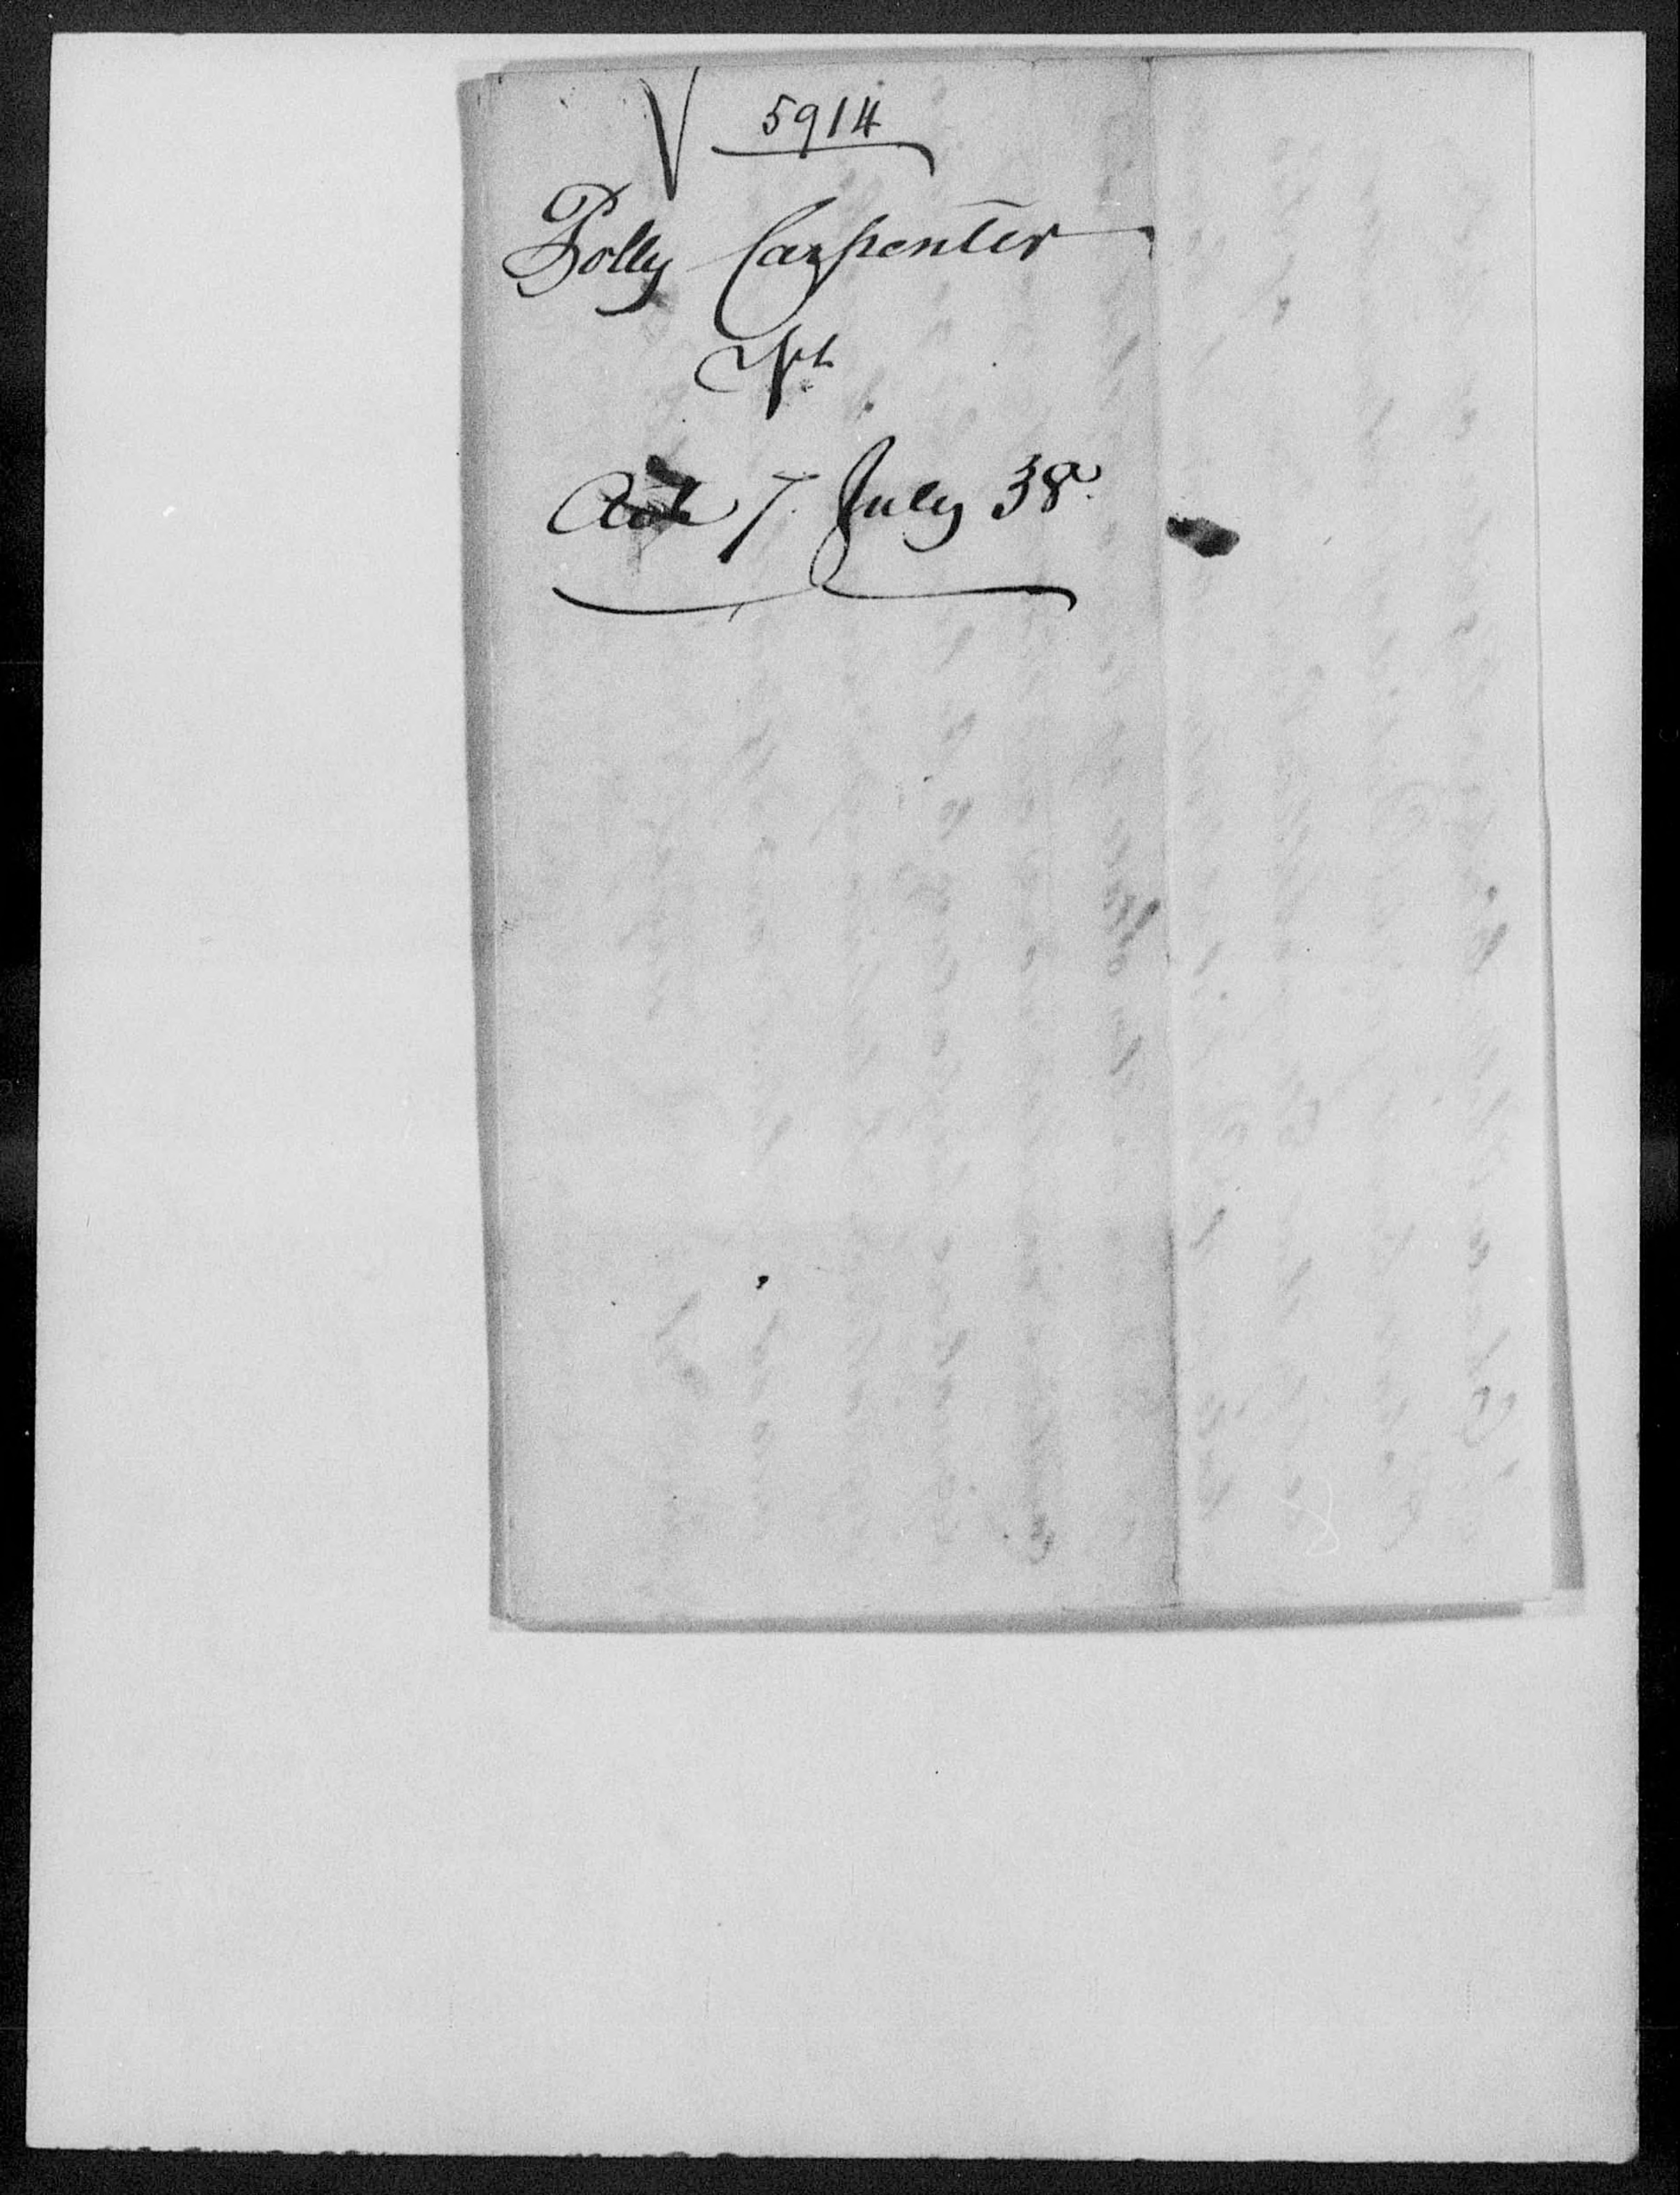V5914

Signed by: Polly Carpenter

Date: July 7, 1838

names: Polly Carpenter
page: 2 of 41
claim: widow's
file: W. 15627, Timothy Carpenter, Vt.